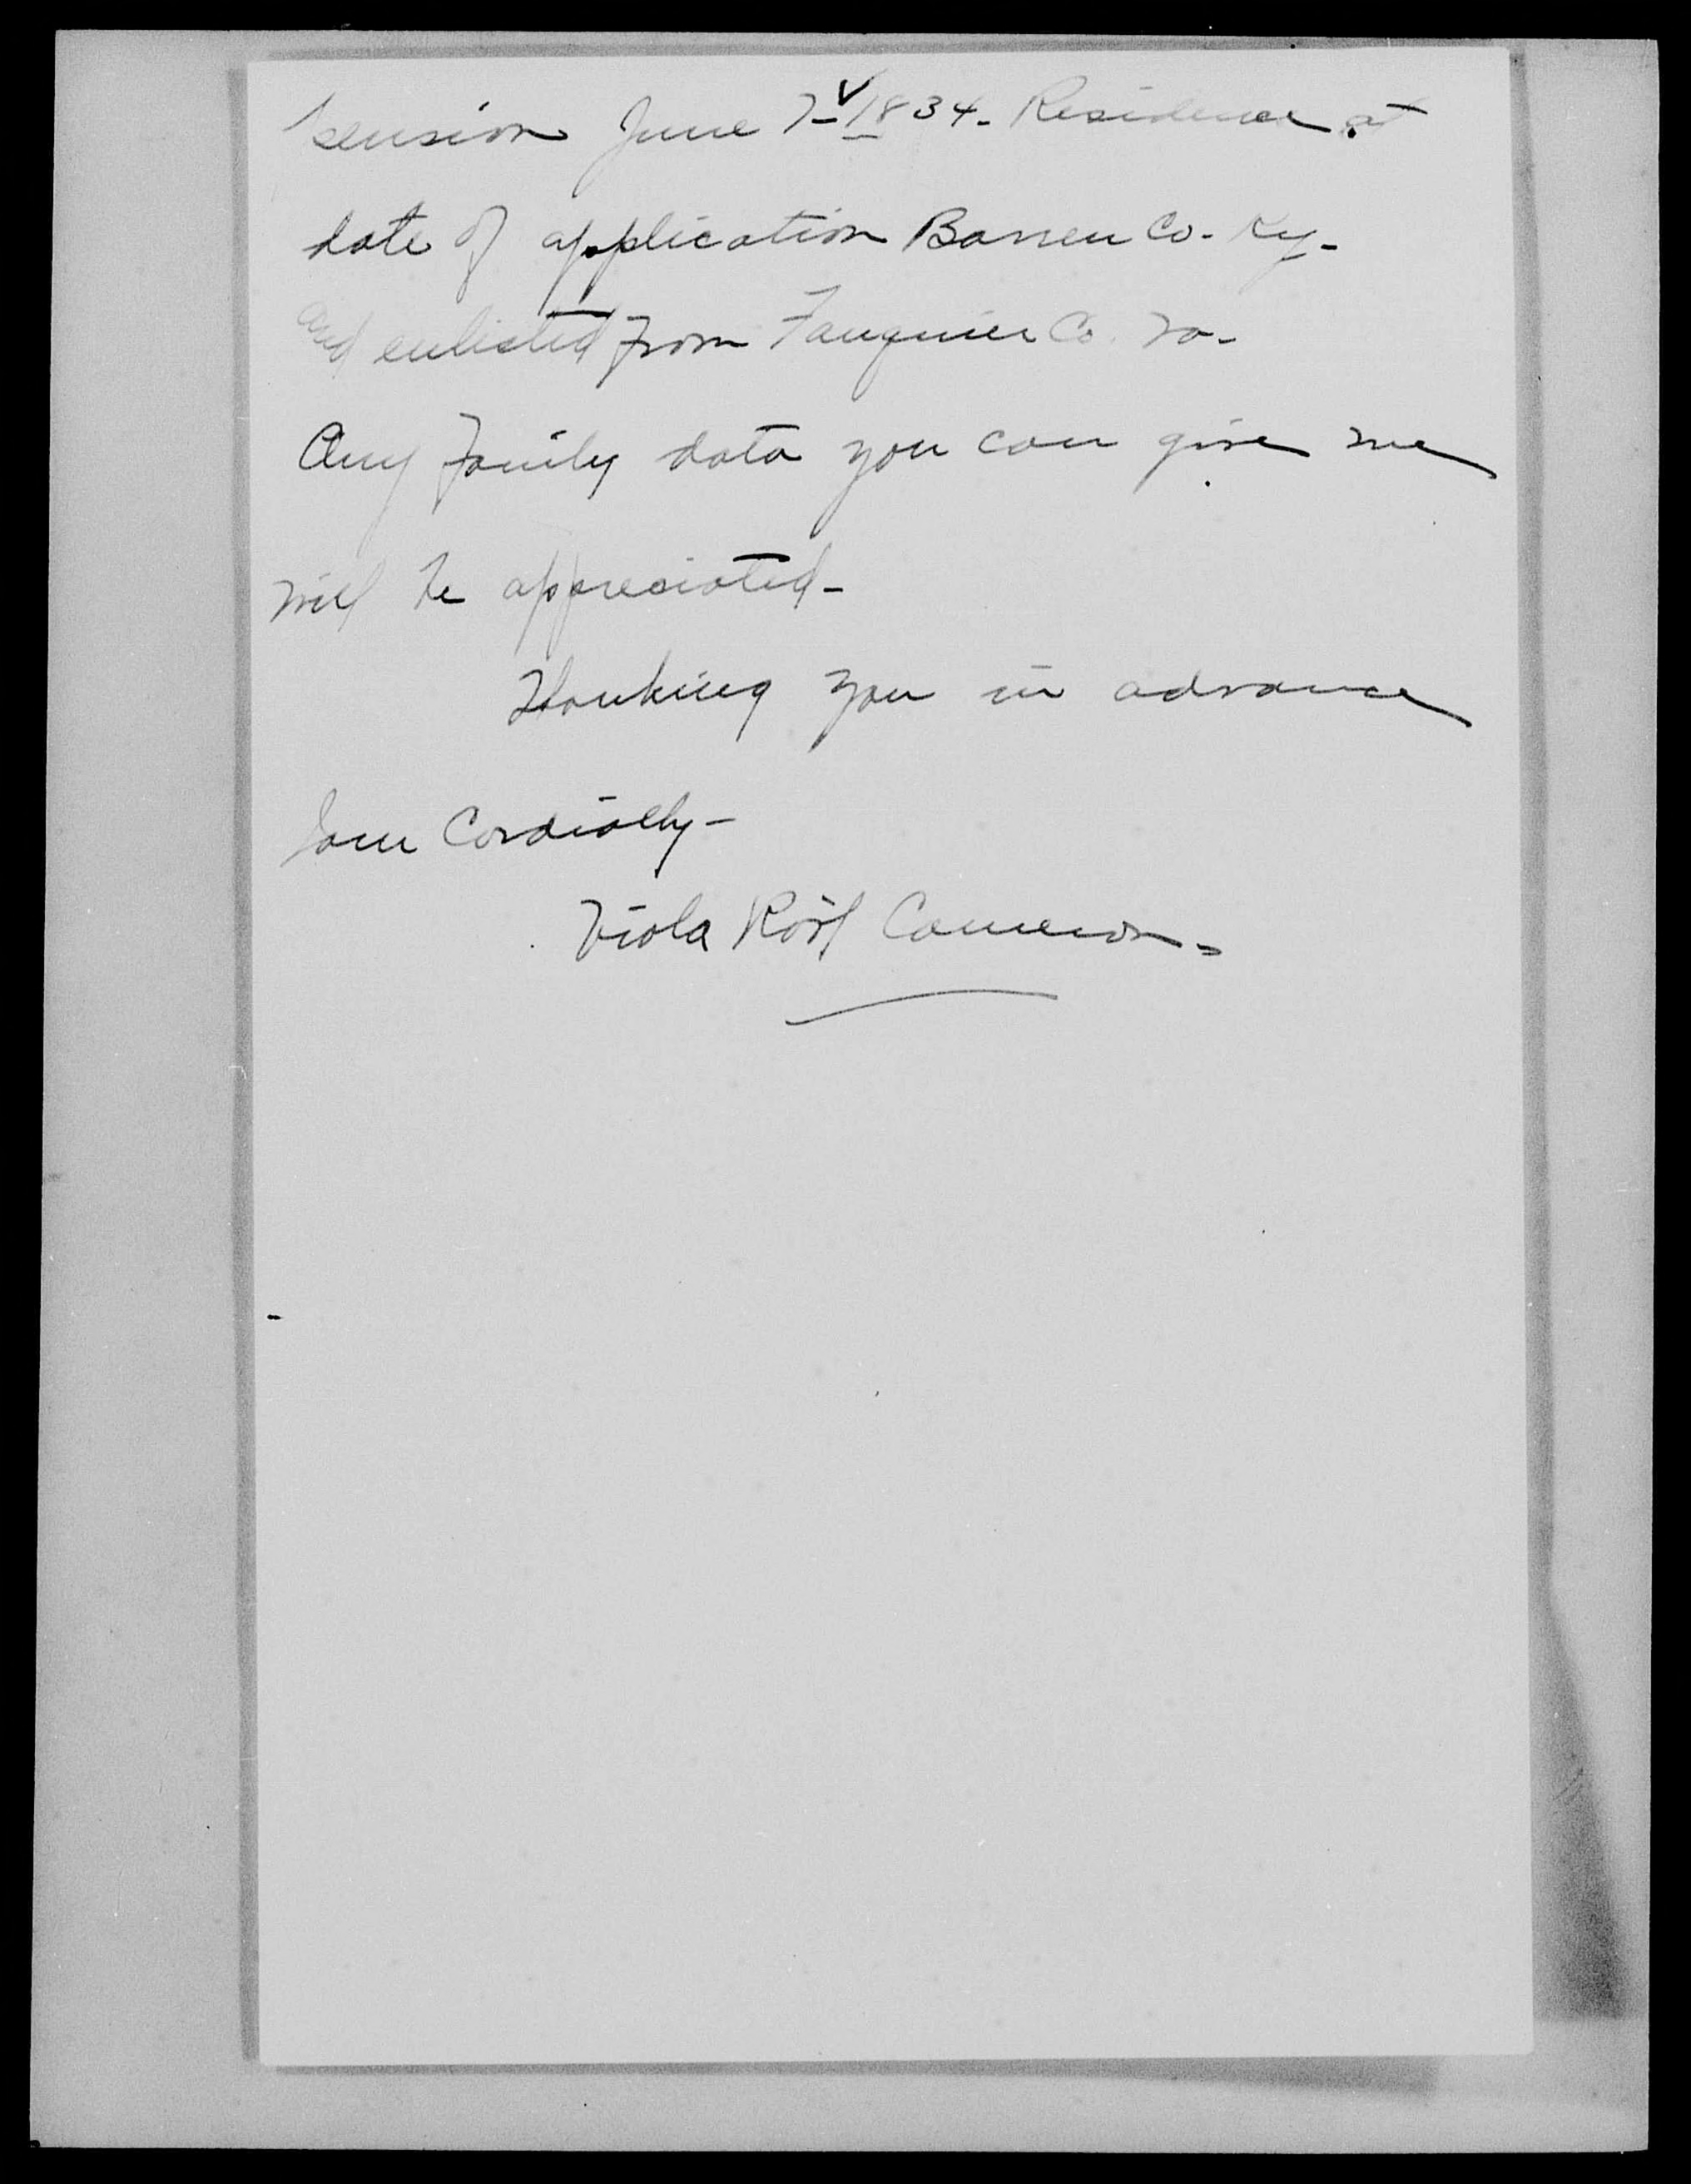pension June 7 1834. Residence at
date of application Barren Co. Ky.
and enlisted from Fauquier Co. Va.
Any family data you can give me
will be appreciated.
Thanking you in advance
Yours cordially-
Viola Rost [Courecon]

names: Jane Cordially; Viola Rost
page: 19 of 45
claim: survivor's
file: S. 31294, for Matthew Patton, Maryland